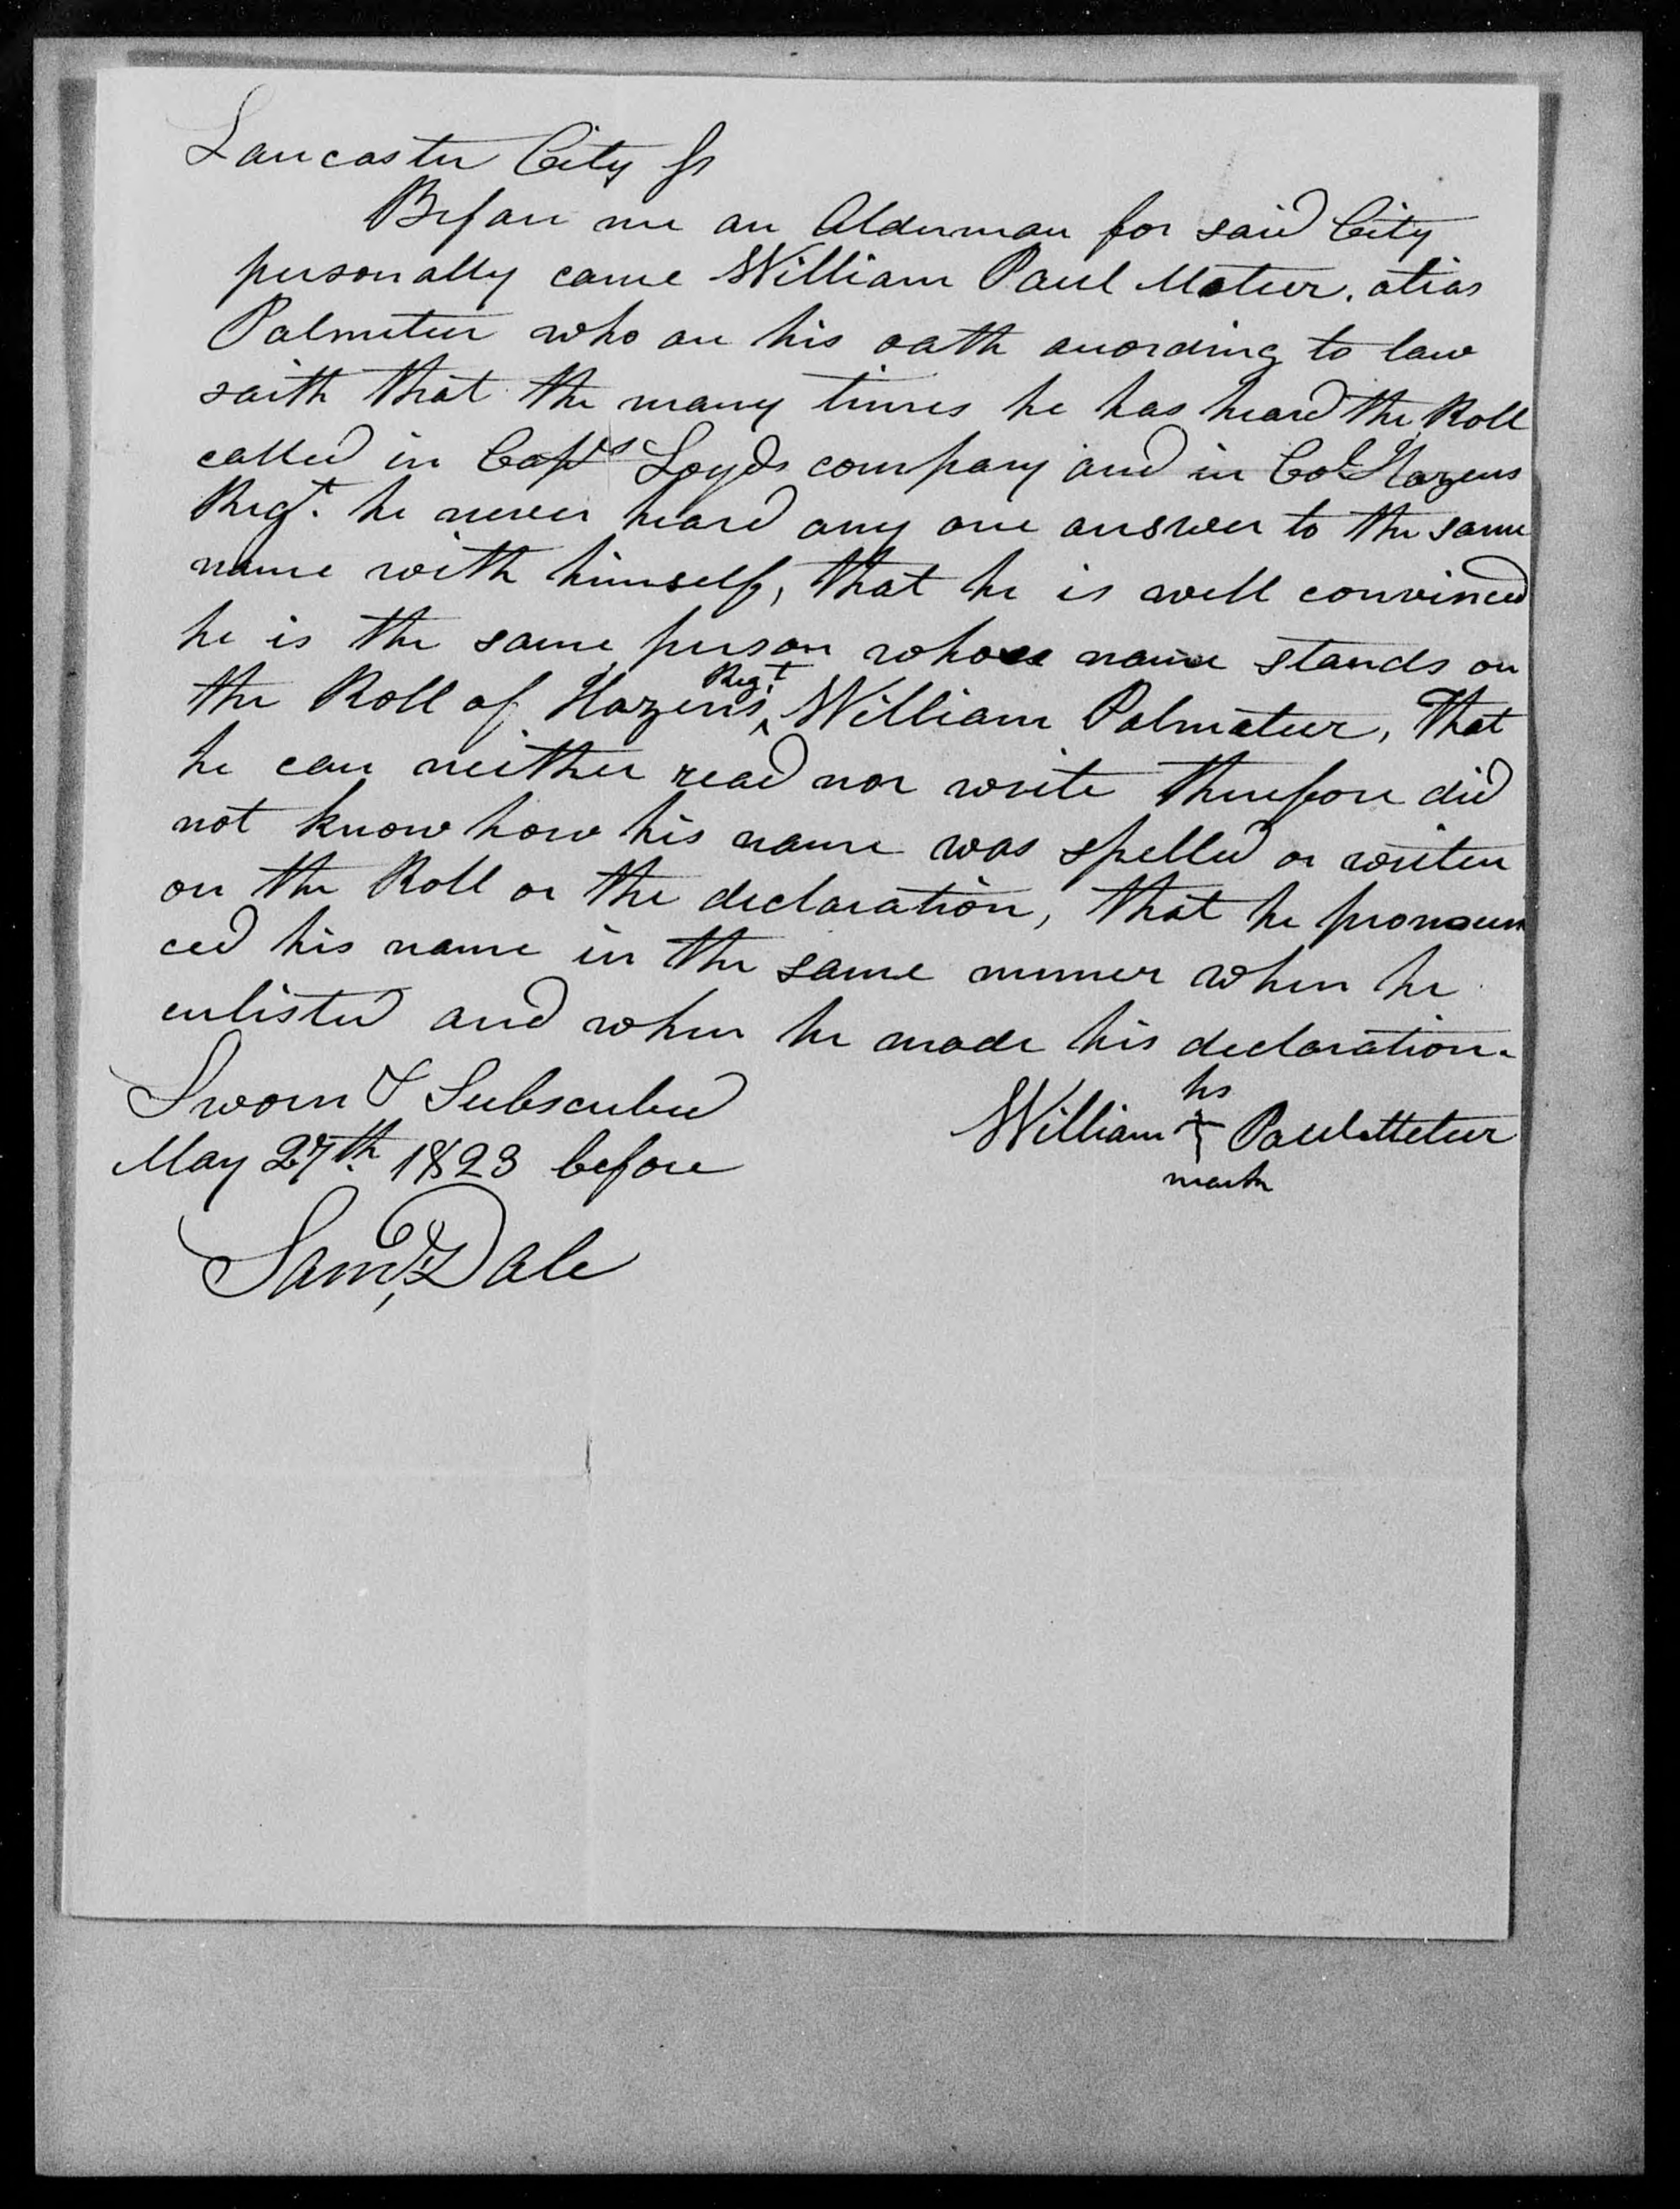Lancaster City ss

    Before me an Alderman for said City personally came Willia Paul Mateer, alias Palmeteer who on his oath according to law saith that the many times he has heard Roll called in Capt Lloyd's company and in Col. Hazens Regt. he never heard any one answer to the same name with himself, that he is well convinced he is the same person whose name stands on the Roll of Hazen's Regt. William Palmeteer, that he can neither read nor write, therefore did not know how his name was spelled or written on the Roll on the declaration.  That he pronounced his name in the same answer when he enlisted and when made his declaration.

                                          his
                               William X Paulmeteer
                                        mark
Sworn & subscribed
May 27th 1823 before
//s//
Sam.  Dale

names: William Palmateer; William Paul Meteer; William Paul Mateer; Sam Dale; [BLANK] Palmeteer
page: 8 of 14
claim: survivor's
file: S. 40242, for William Palmiteer, Pennsylvania